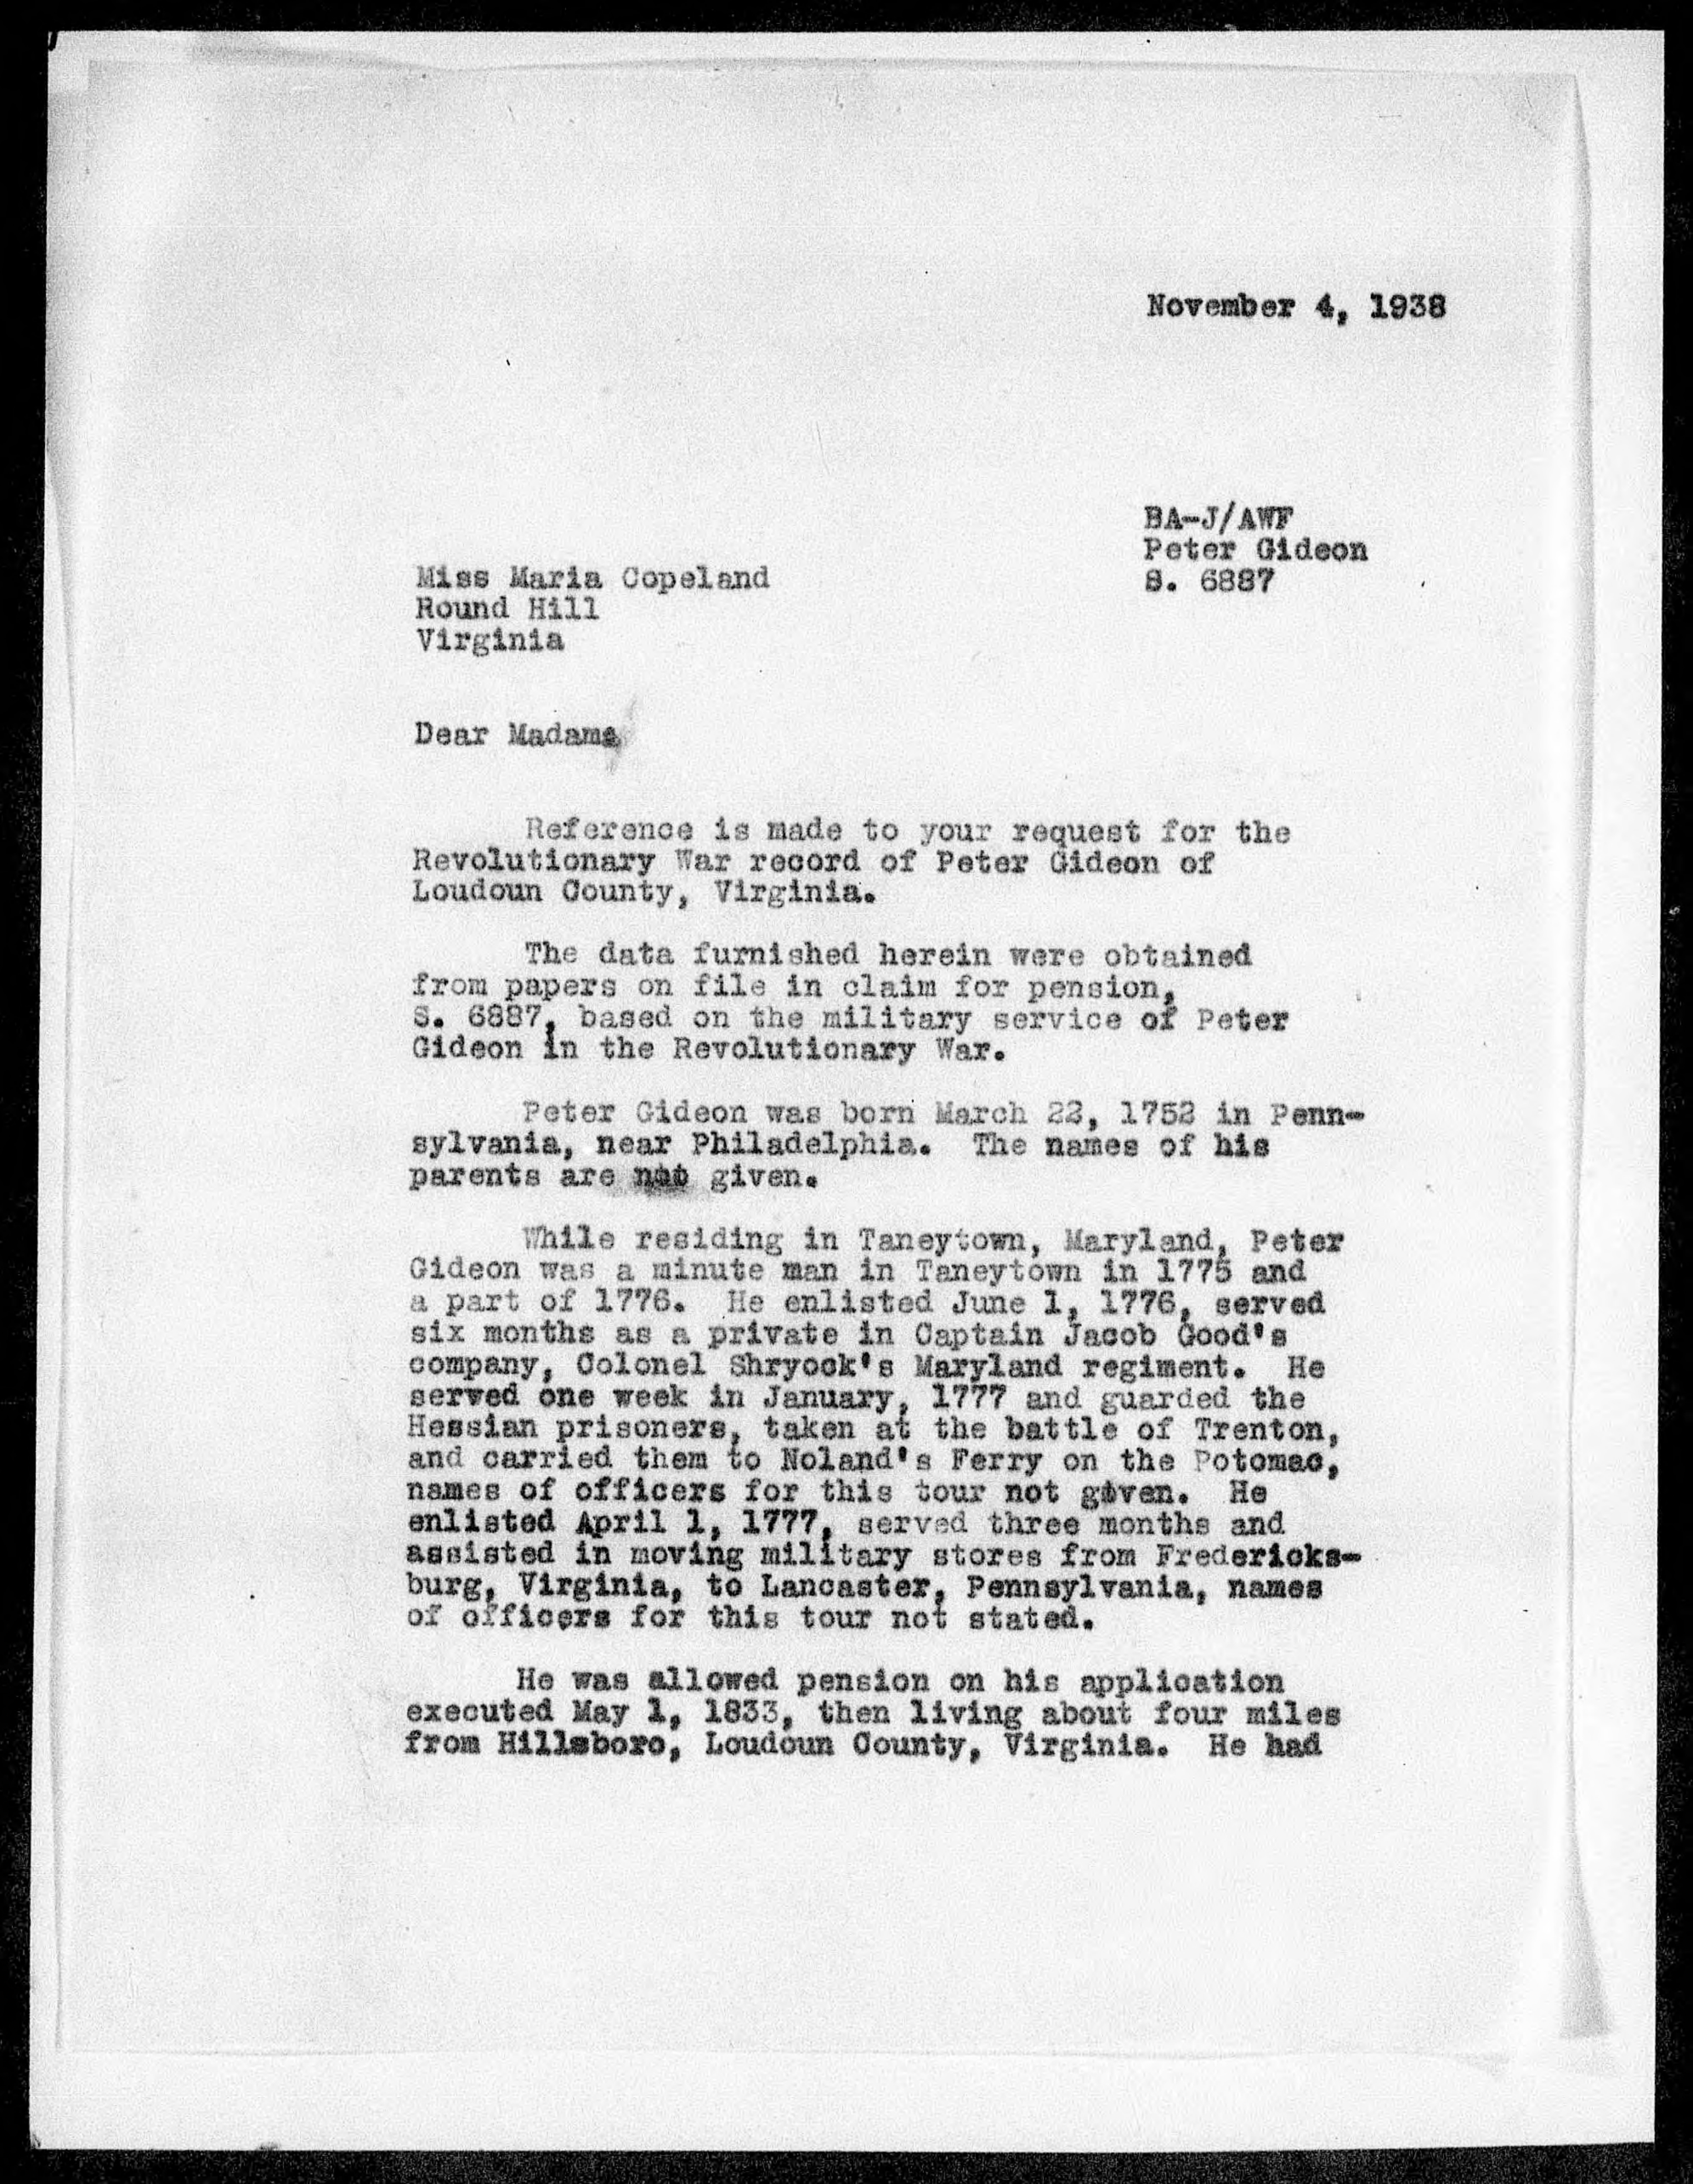November 4, 1938
BA-J/AWF
Peter Gideon
S. 6887
Miss Maria Copeland
Round Hill
Virginia

Dear Madam

Reference is made to your request for the
Revolutionary War record of Peter Gideon of
Loudoun County, Virginia.

The data furnished herein were obtained
from papers on file in claim for pension,
S. 6887, based on the military service of Peter
Gideon in the Revolutionary War.

Peter Gideon was born March 22, 1752 in Pennsylvania, near Philadelphia.  The names of the parents are not given.

While residing in Taneytown, Maryland, Peter
Gideon was a minute man in Taneytown in 1775 and a part of 1776. He enlisted June 1, 1776, served six months as a private in Captain Jacob Good's company, Colonel Shryock's Maryland regiment. He served one week in January, 1777 and guarded the Hessian prisoners, taken at the battle of Trenton, and carried them to Noland's Ferry on the Potomac, names of officers for this tour not given. He enlisted April 1, 1777, served three months and assisted in moving military stores from Fredericksburg, Virginia, to Lancaster, Pennsylvania, names of officers for this tour not stated.

He was allowed pension on his application
executed May 1, 1833, then living about four miles from Hillsboro, Loudon county, Virginia.  He had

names: Peter Gideon, Peter Gideon, Peter Gideon, Peter Gideon, Maria Copeland, Peter Gideon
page: 63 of 64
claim: survivor's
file: S. 6887, Peter Gideon, Md.